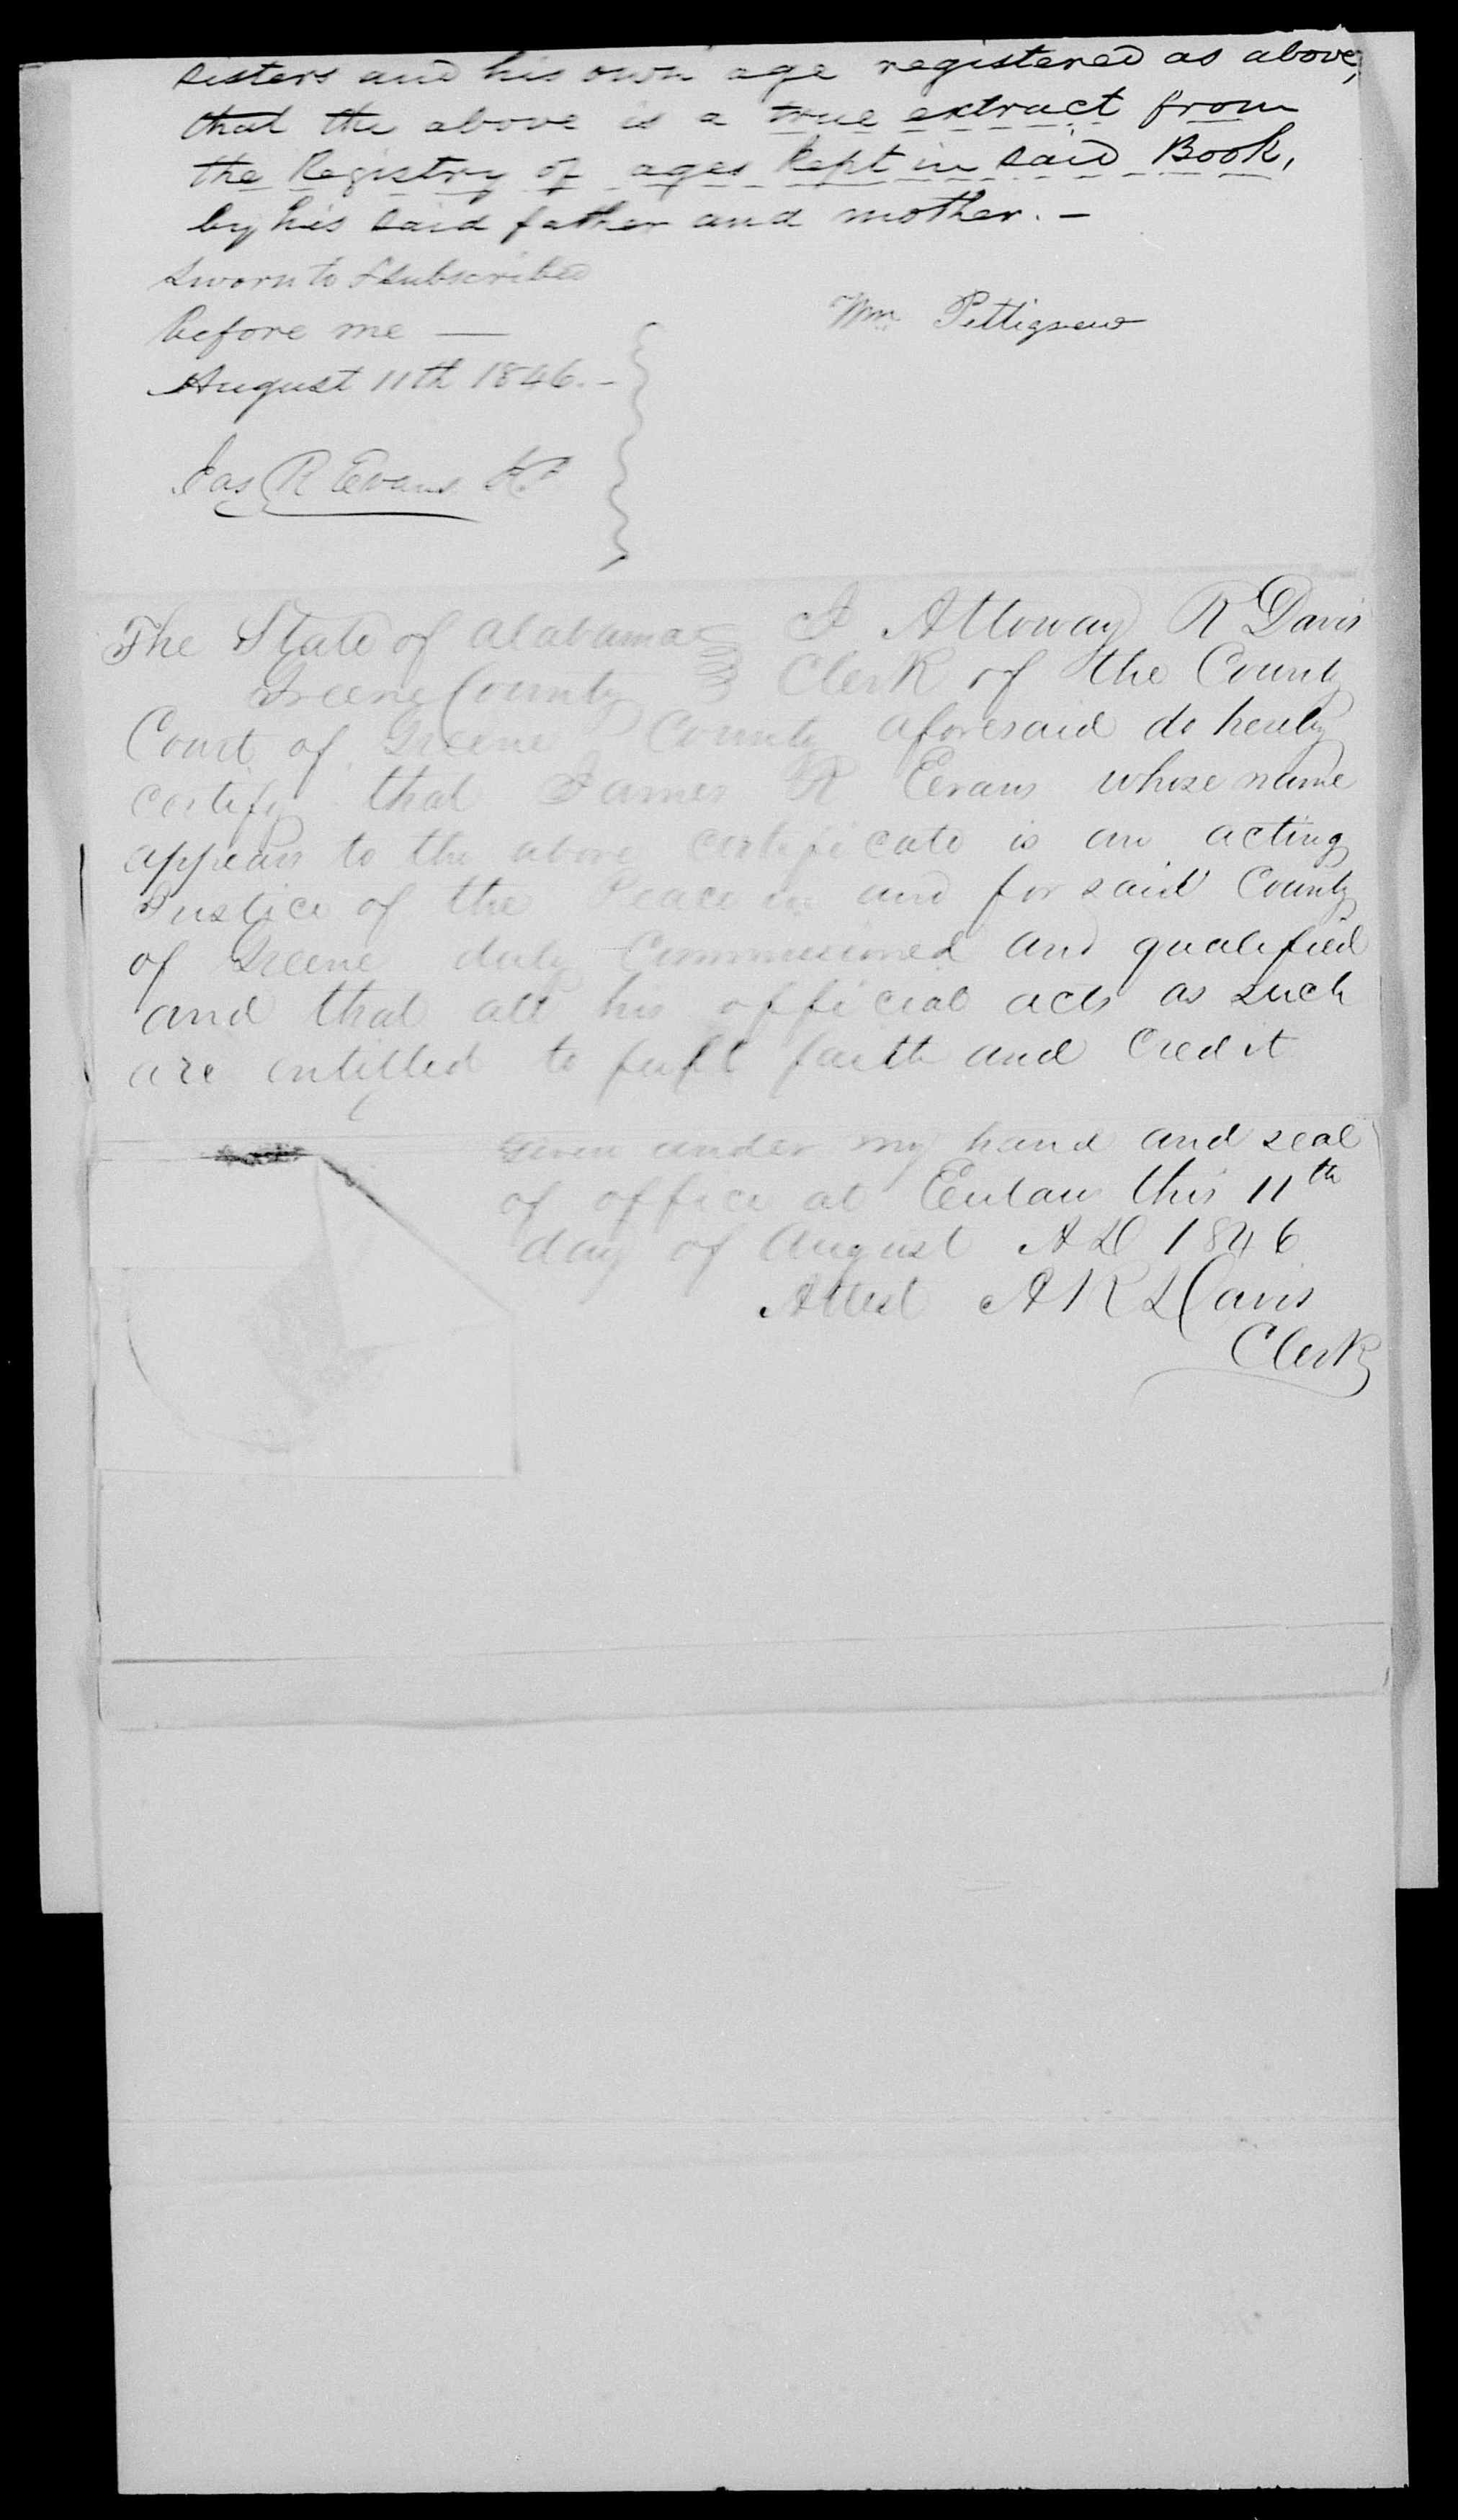sisters and his own age registered as above Check the above is a true extract from the Register of ages kept in said Book, by his said father and mother.-

Sworn to and subscribed
Before me-
August 11th 1846.-
Jas R Evans HJ

Mr. Pettigrew

The State of Alabama
Greene County
Court of Greene County
I Attorney R Davis Clerk of the Court aforesaid do hereby certify that James R Evans whose name appears to the above certificate is an acting Justice of the Peace [illegible] and for said County of Greene duly Anointed and qualified and that all his official acts as such are intitled to full faith and credit

[seal]

Given under my hand and seal of office at Eutaw this 11th day of August A20 1846.
[illegible] A R Davis Clerk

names: Wm Pettigrew; Jas R Evans; Attoway R Davis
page: 8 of 92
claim: widow's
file: W. 5522, for James Pettigrew, South Carolina